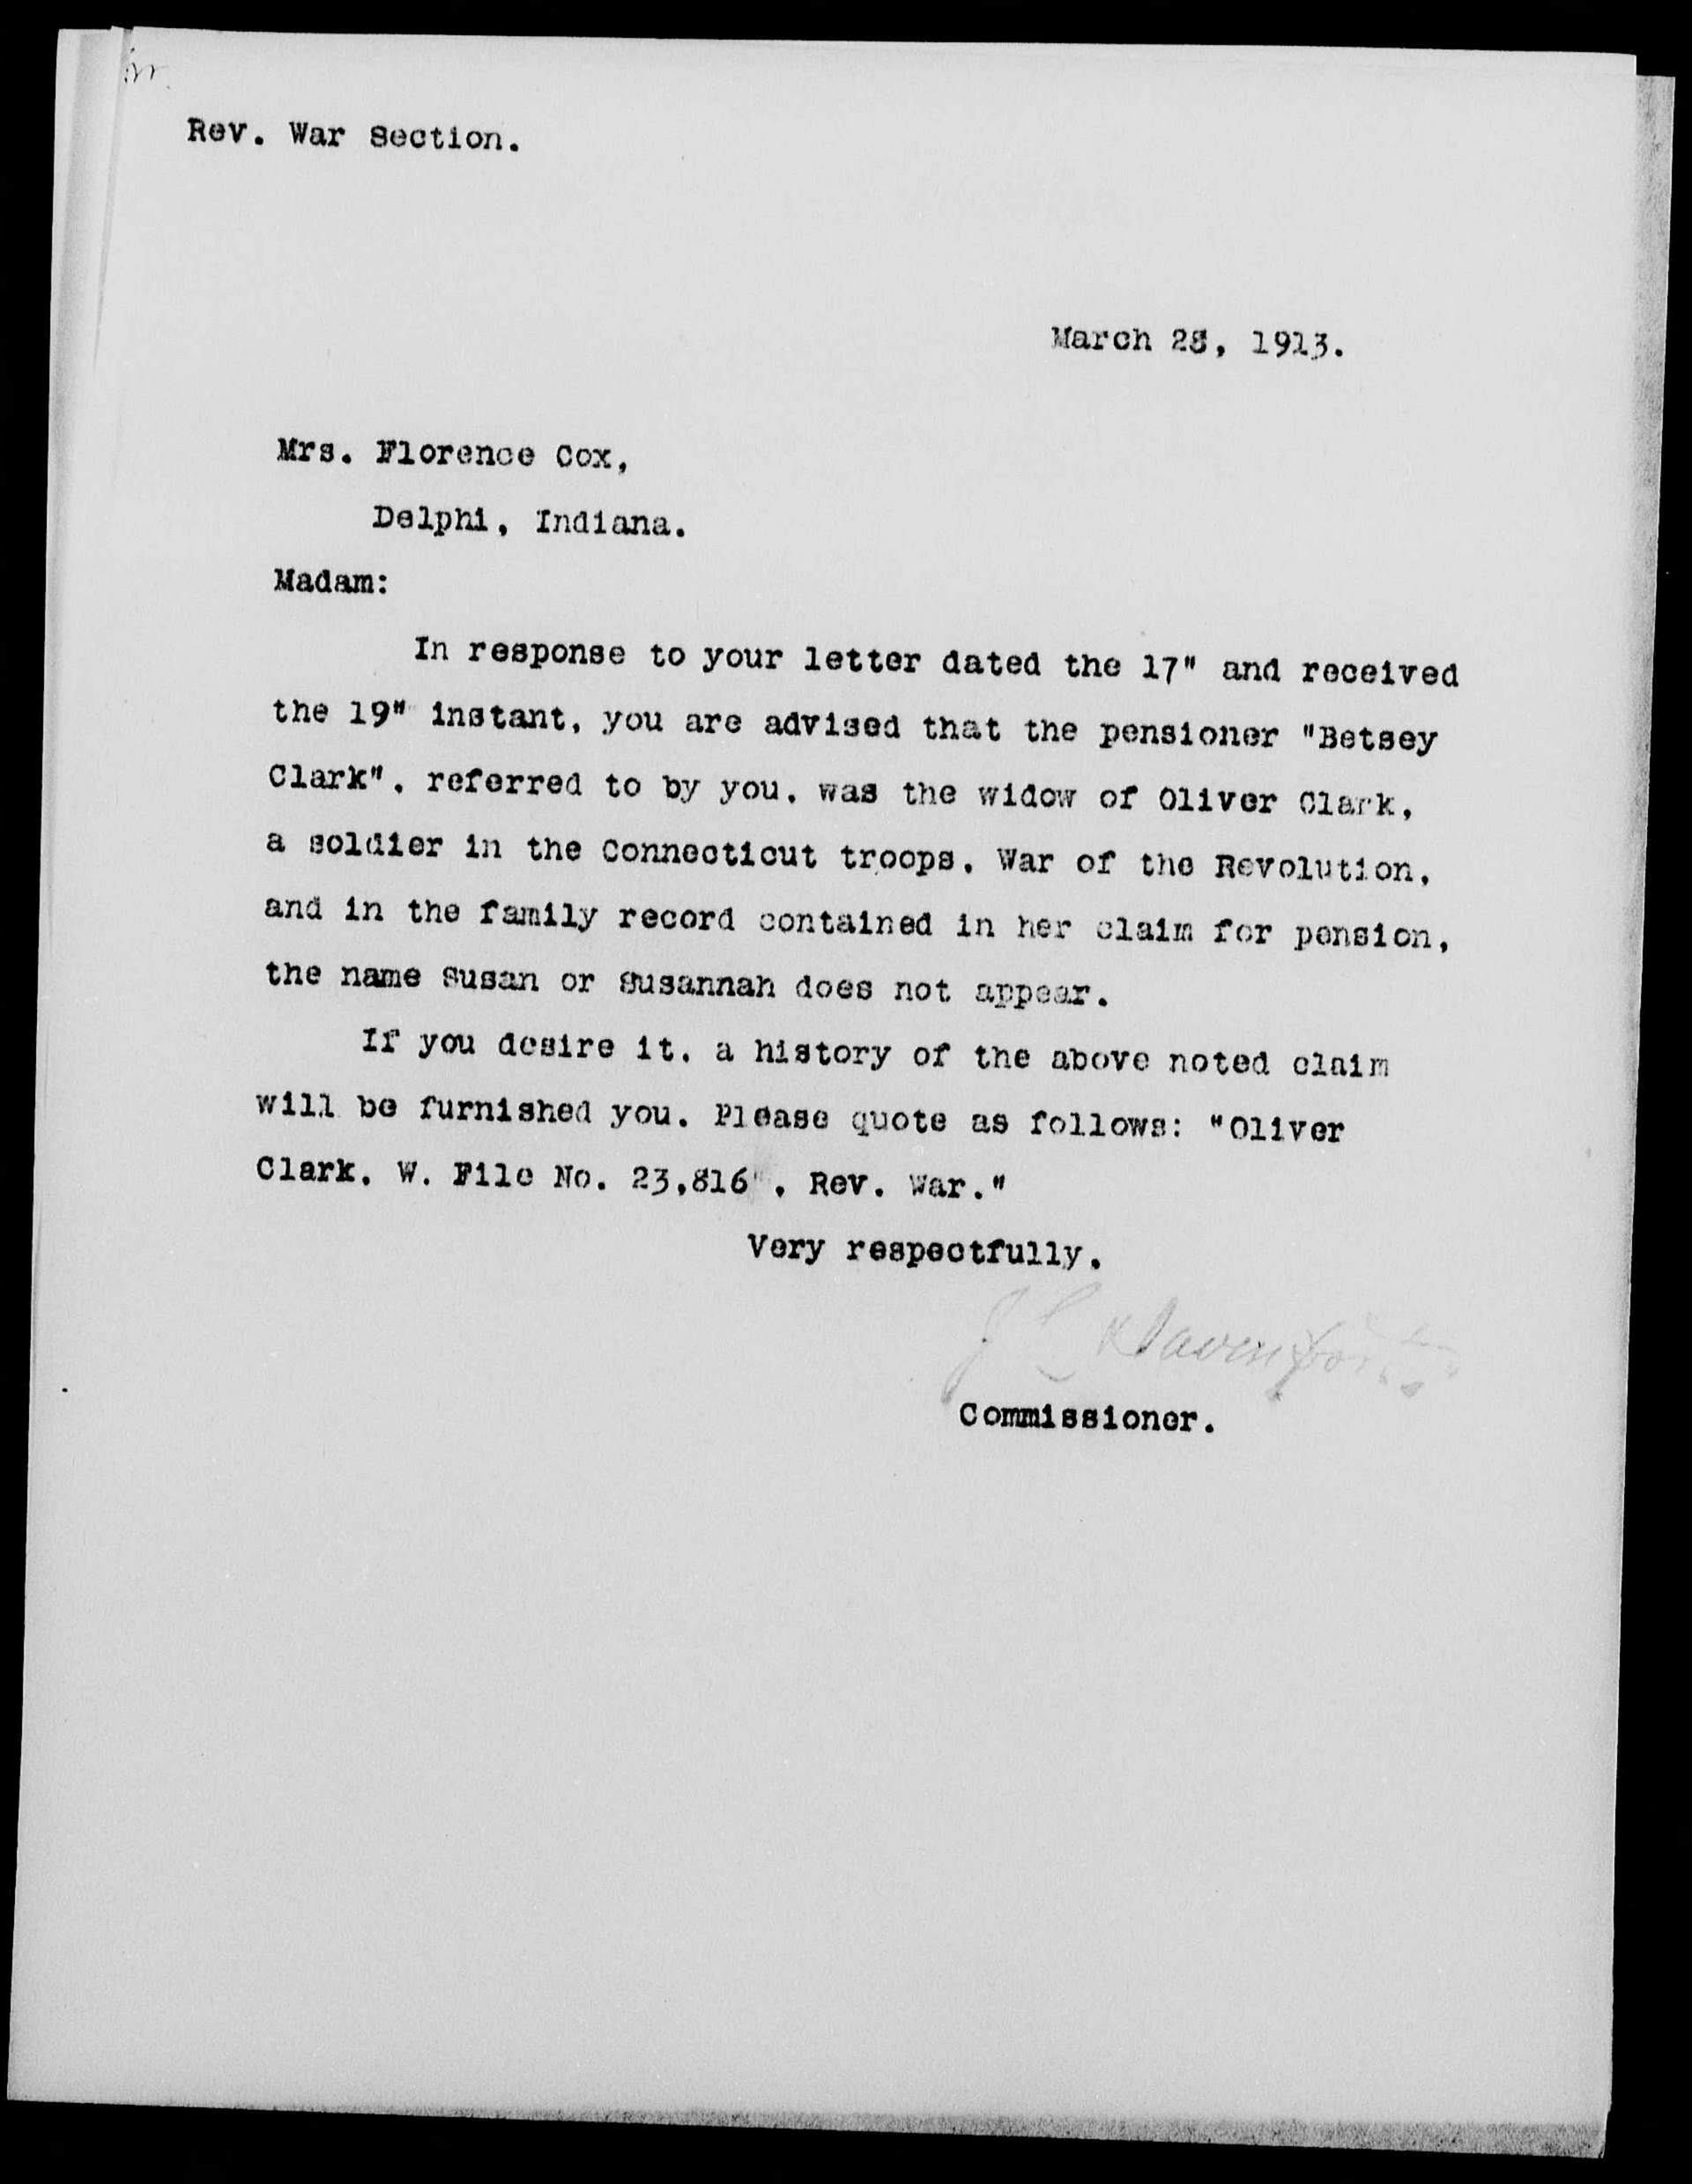[typed]
Rev. War Section.

March 28, 1913.

Mrs. Florence Cox.
Delphi, Indiana.

Madam:
In response to your letter dated the 17” and received the 19” instant, you are advised that the pensioner “Betsey Clark”, referred to by you, was the widow of Oliver Clark, a soldier in the Connecticut troops, War of the Revolution., and in the family record contained in her claim for pension, the name Susan or Susannah does not appear.

If you desire it, a history of the above noted claim will be furnished you. Please quote as follows: “Oliver Clark, W. File No. 23, 816, Rev. War.”

Very respectfully
[signed] J. L. Davenport
Commissioner.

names: Oliver Clark, Betsey Clark, Florence Cox, Susannah, J L Davenport, Oliver Clark, Susan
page: 24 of 51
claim: widow's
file: W. 23816, Oliver Clark, Conn.